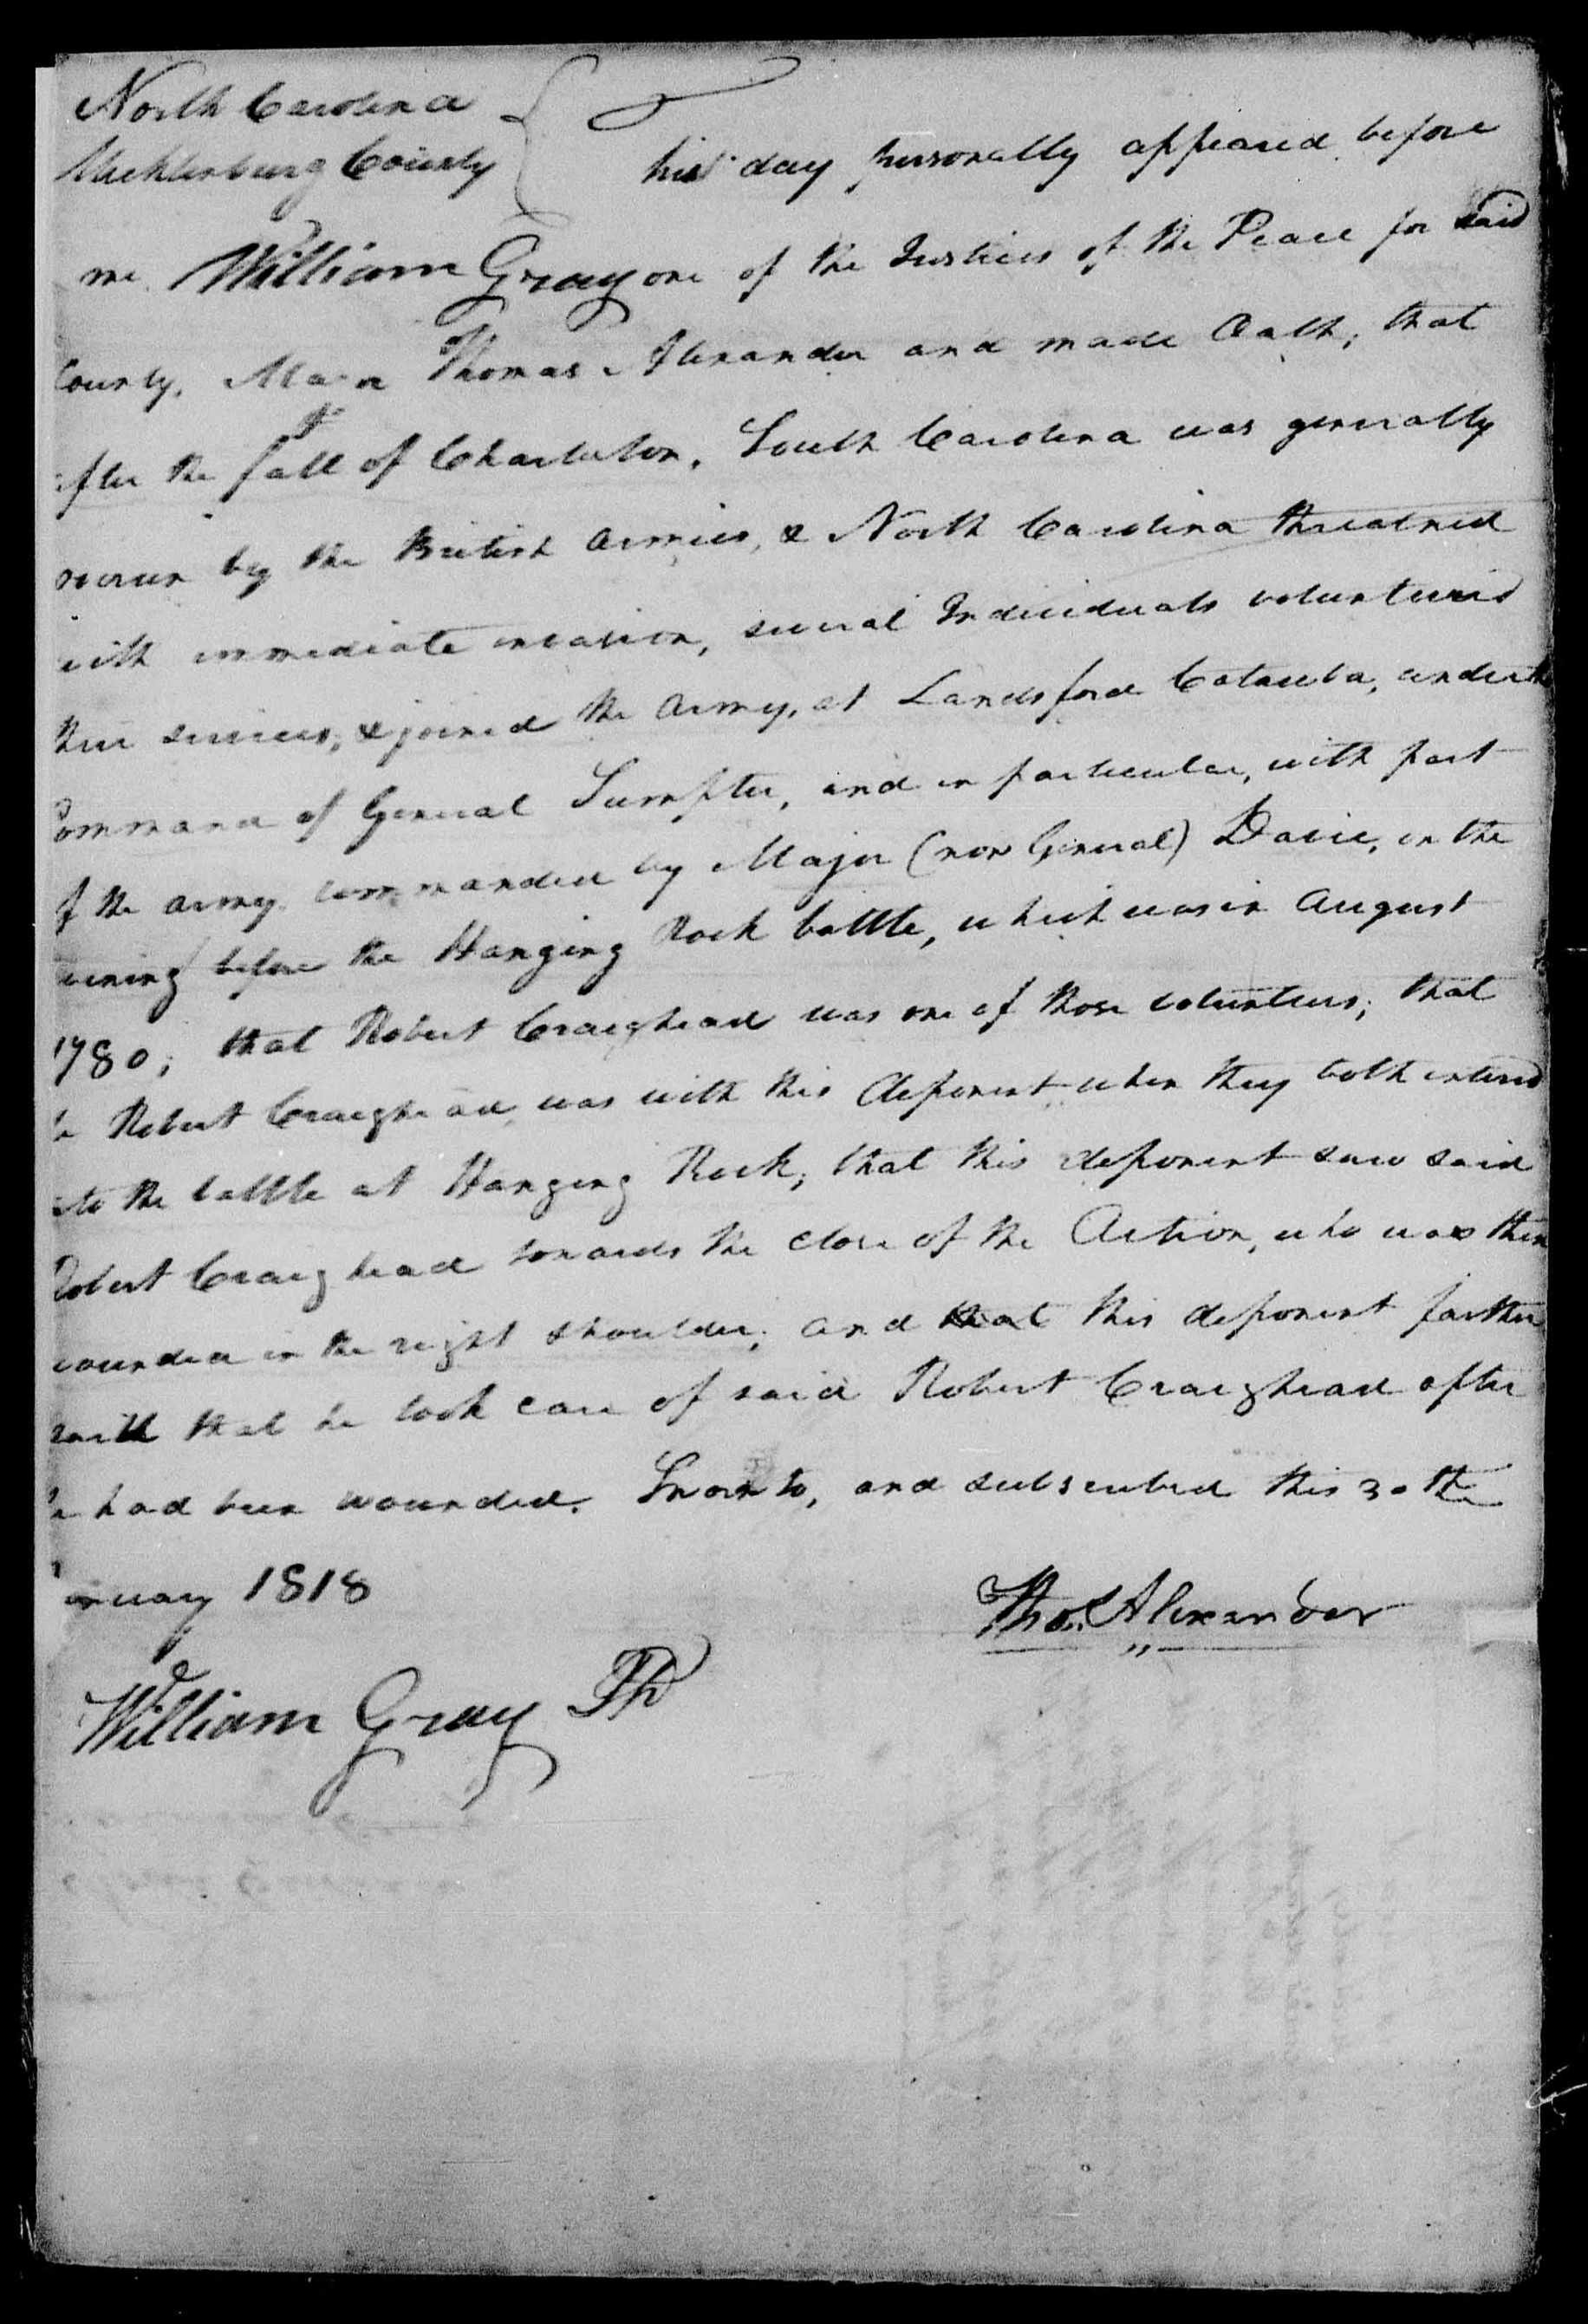North Carolina
Mecklenburg County
this day personally appeared before
William Gray one of the Justices of the Peace for said
County, Mary Thomas Alexander and made Oath that
for the fall of Charleston South Carolina was generally
overrun by the British Armies, and North Carolina threatened
with immediate invasion, several Individuals volunteered
their services, and joined the Army, at Landford Catawba, under
command of General Sumpter, and in particular, with part of
the army commanded by Major (now General) Davie, on the
evening before the Hanging Rock battle, which was in August
1780;
that Robert Craighead was one of those volunteers, that 
said Robert Craighead was with this deponent when they both entered
into the battle at Hanging Rock, that this deponent saw said 
Robert Craighead towards the close of the Action, who was there
wounded in the right shoulder and that this deponent farther
said that he took care of said Robert Craighead after
he had been wounded. Sworn to and subscribed this 30th
January 1818
William Gray Clerk
Thomas Alexander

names: Sumpter, Robert Craighead, William Gray, Davie, Robert Craighead, William Gray, Robert Craighead, Thos Alexander, Thomas Alexander, Robert Craighead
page: 5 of 26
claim: survivor's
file: S. 352, Robert Craighead, N.C.